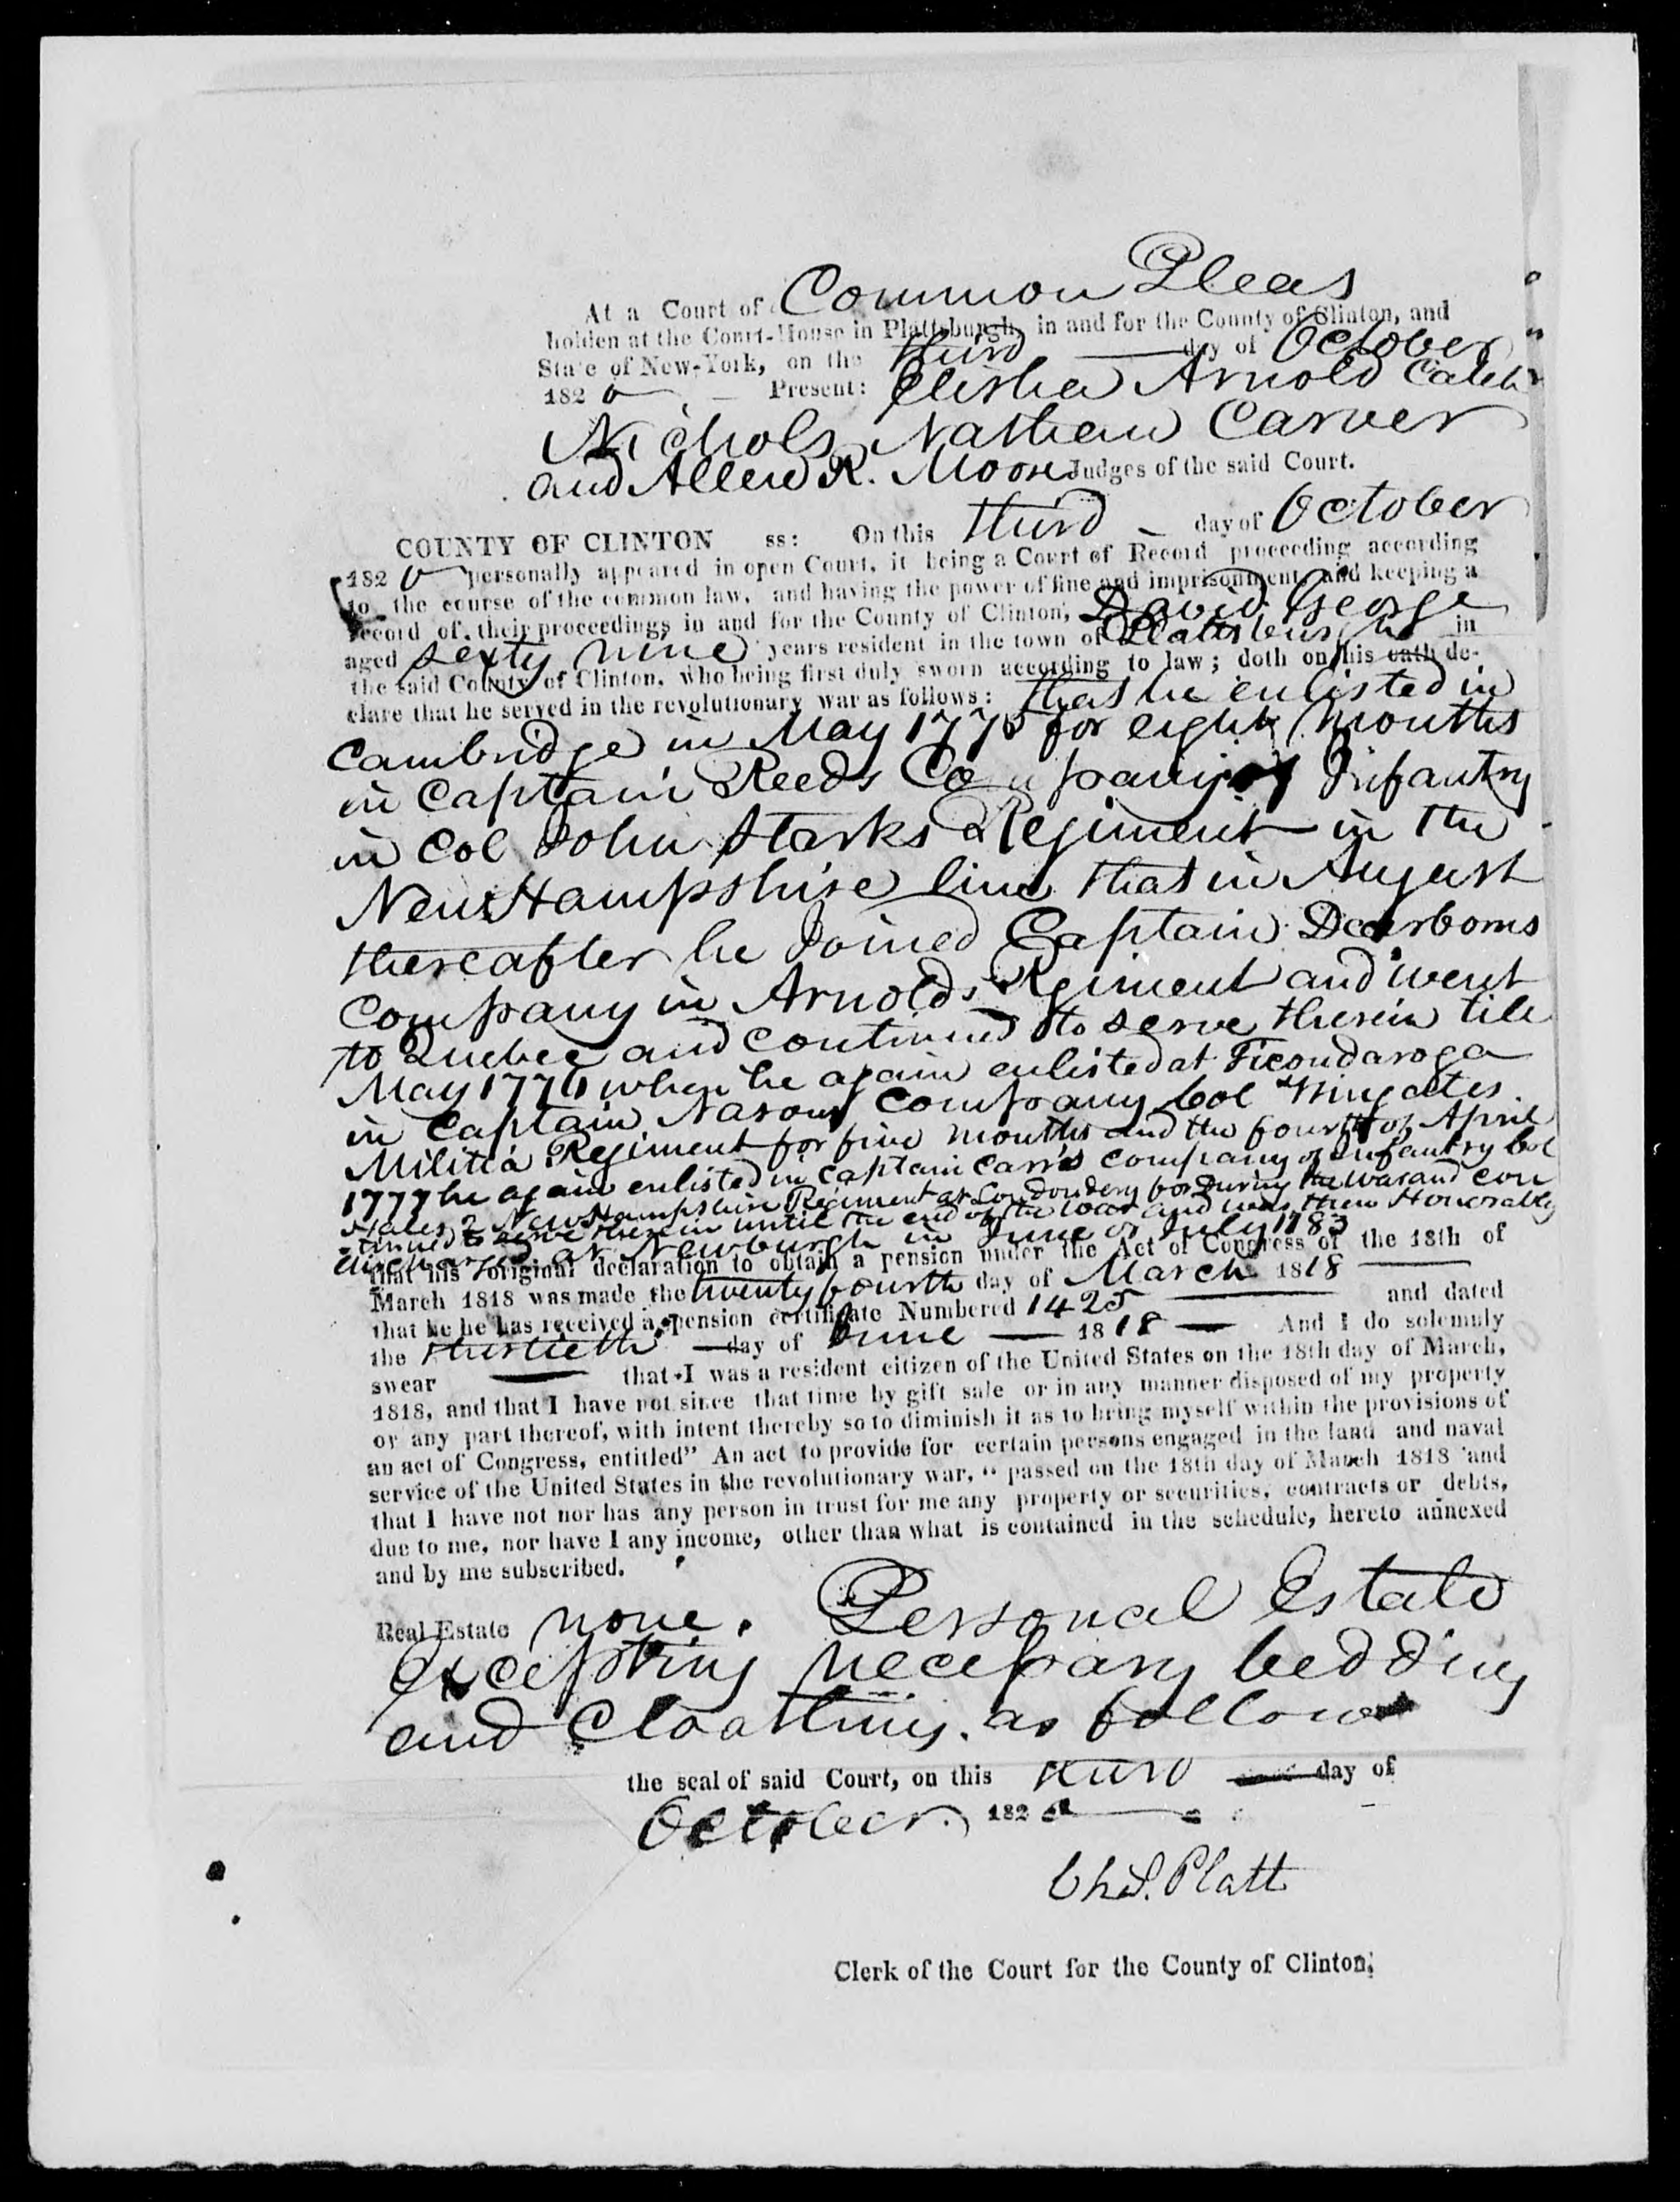At a Court of Common Pleas
holden at the Courthouse in Plattsburgh, in and for the County of Clinton, and
State of New-York, on the third day of October 1820 
Present: Elisha Arnold  Caleb Nichols Nathan 
Carver and Allen R. Moore
and Allen K. Moore Judges of the said Court

COUNTY OF CLINTON ss: On this third day of October 1820 personally appeared in open Court, it being a Court of Record proceeding according to the course of the common law, and having the power fine and imprisonment and keeping a record of their proceedings in and for the County of Clinton David George., aged sixty nine years resident in the town of Plattsburgh,  in the said County of Clinton, who being first duly sworn according to law, doth on his oath declare that he served in the revolutionary war as follows:  
that he enlisted in Cambridge in May 1775 for eight months in Captain Reeds Company of Infantry in Col(onel) John Starks Regiment in the New Hampshire line that in August
thereafter he joined Captain Dearborns
Company in Arnold's Regiment and went
to Quebec and continued to served therein (un)till May 1776 when he again enlisted at Ticonderoga in Captain Nasons Company Col(onel) Wingates Militia Regiment for five months and the fourth of April
1777 he again enlisted in Captain Carr's company of Infantry Col(onel) Hales 2 New Hampshire Regiment at Londonderry for during the war and continued to serve therein until the end of the war and was then Honorably discharged at Newburgh

that his original declaration to obtain a pension under the Act of Congress of the 18th of March 1818 was made the twenty fourth day of March 1818
---
that he has received a pension celibate Numbered 1425 ---and dated
the thirtieth day of June 18 And I do solemnly
swear that I was a resident citizen of the United States on the 18th day of March,
1818, and that I have not since that time by gift sale or in any manner disposed of my property or any part thereof, with intent thereby so to diminish it as to bring myself within the provisions of an act of Congress, entitled" An act to provide for certain persons engaged in the land and naval service of the United States in the revolutionary war,” passed on the 1st day of March 1818 and that I have not nor has any person in trust for me any property or securities, contracts or debts,
due to me, nor have I any income, other than what is contained in the schedule, hereto annexed and by me subscribed.

Real Estate none

Personal Estate
excepting necessary bedding
and clothing as follow
the seal of said Court, on this third day of
October 1820
(signed) C(harle)s. Platt
Clerk of the Court for the County of Clinton,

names: Elisha Arnold, Nathan Carver, Caleb Nichols, Chas Platt, David George, Allen R Moore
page: 6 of 18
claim: survivor's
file: S. 39568, David George, N.H.